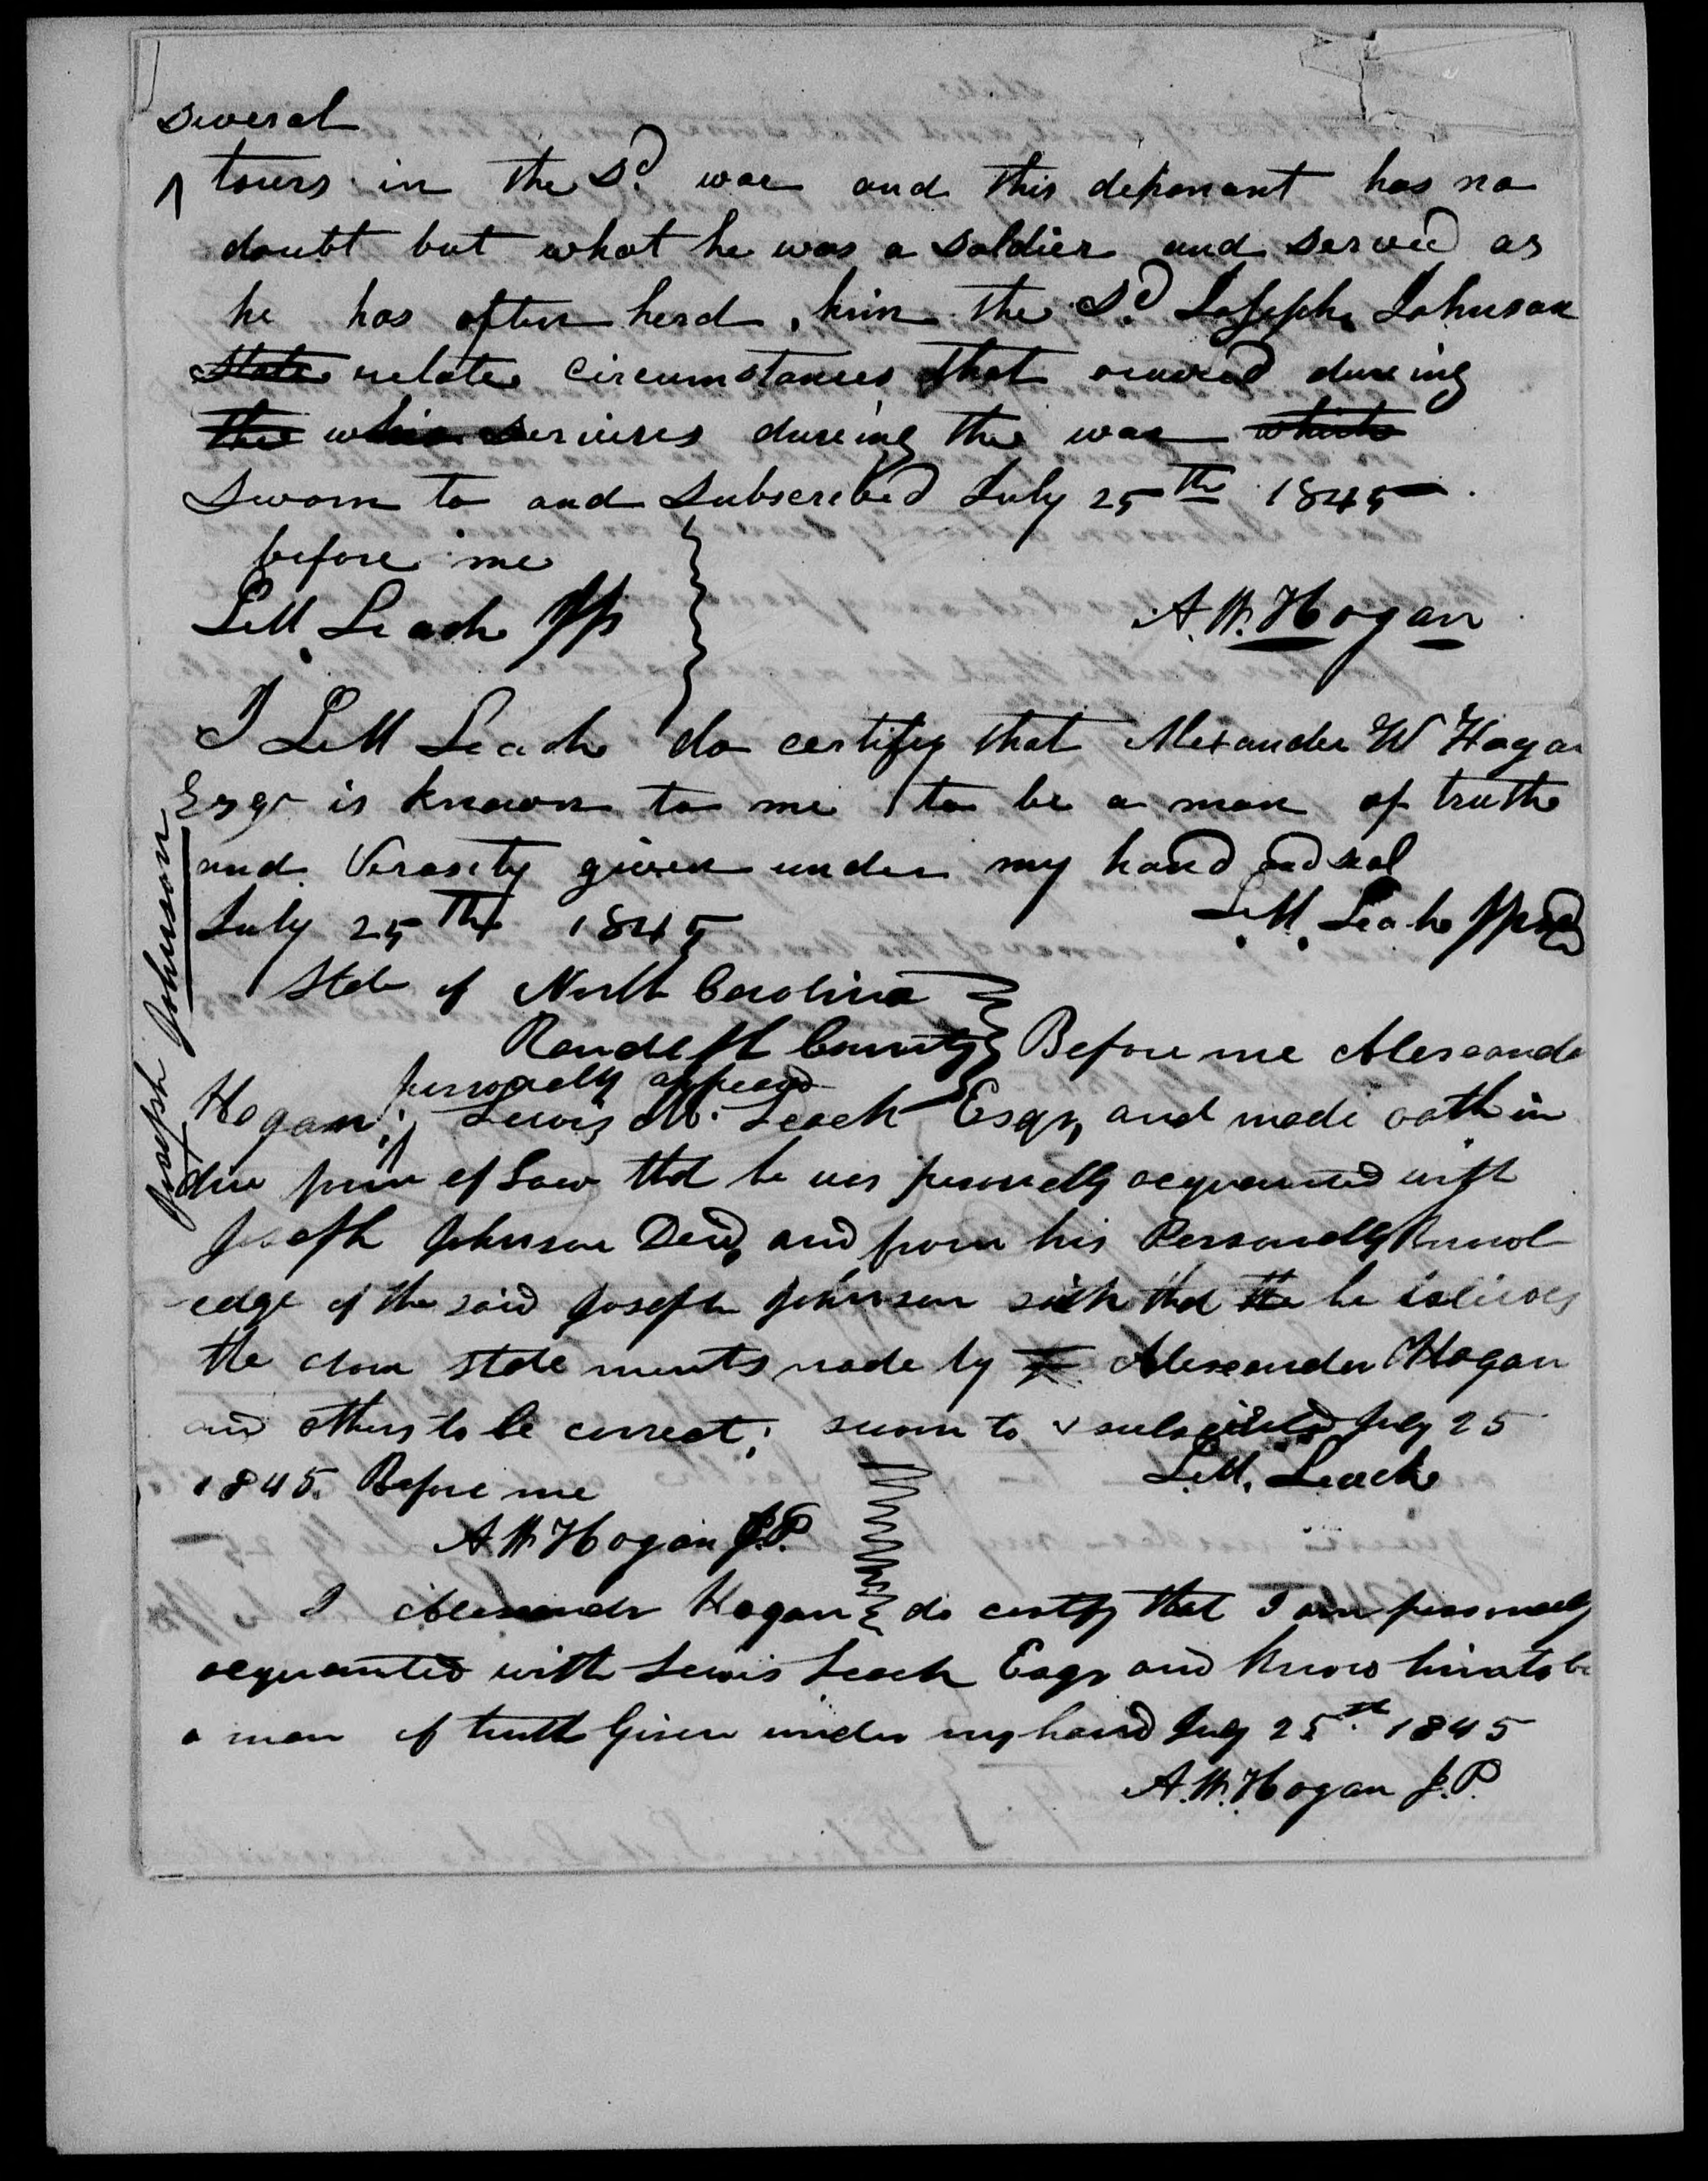Several tours in the sd [said] war and this deponent has no doubt but what he was a soldier and served as he has often herd him the Sd [said] Joseph Johnson relate circumstances that served during the services during the war 
Sworn to and Subscribed July 25th 1845 
before me} 
Lew Leach JP} [signed] A. W. Hogan 

I Lew Leach do certify that Alexander W Hogan Esq is known to me to be a man of truth and veracity given under my hand and seal July 25th 1845
Lew Leach J Peace

State of North Carolina}
Randolph County} Before me Alexander Hogan personally appeared Lewis M. Leach Esq and made oath in due form of law that he was personally acquainted with Joseph Johnson Decd [deceased] and from his Personally knowledge of the said Joseph Johnson saith that he believes the above statements made by Alexander Hogan and others to be correct; sworn to & subscribed July 25 1845. Before me} Lew Leach
A H Hogan J. P.}

I Alexander Hogan do certify that I am personally acquainted with Lewis Leech Esq and know him to be a man of truth Given under my hand July 25th 1845 
A. W. Hogan J.P.

[written sideways] Joseph Johnson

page: 40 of 41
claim: widow's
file: W. 5033, for Joseph Johnston, North Carolina